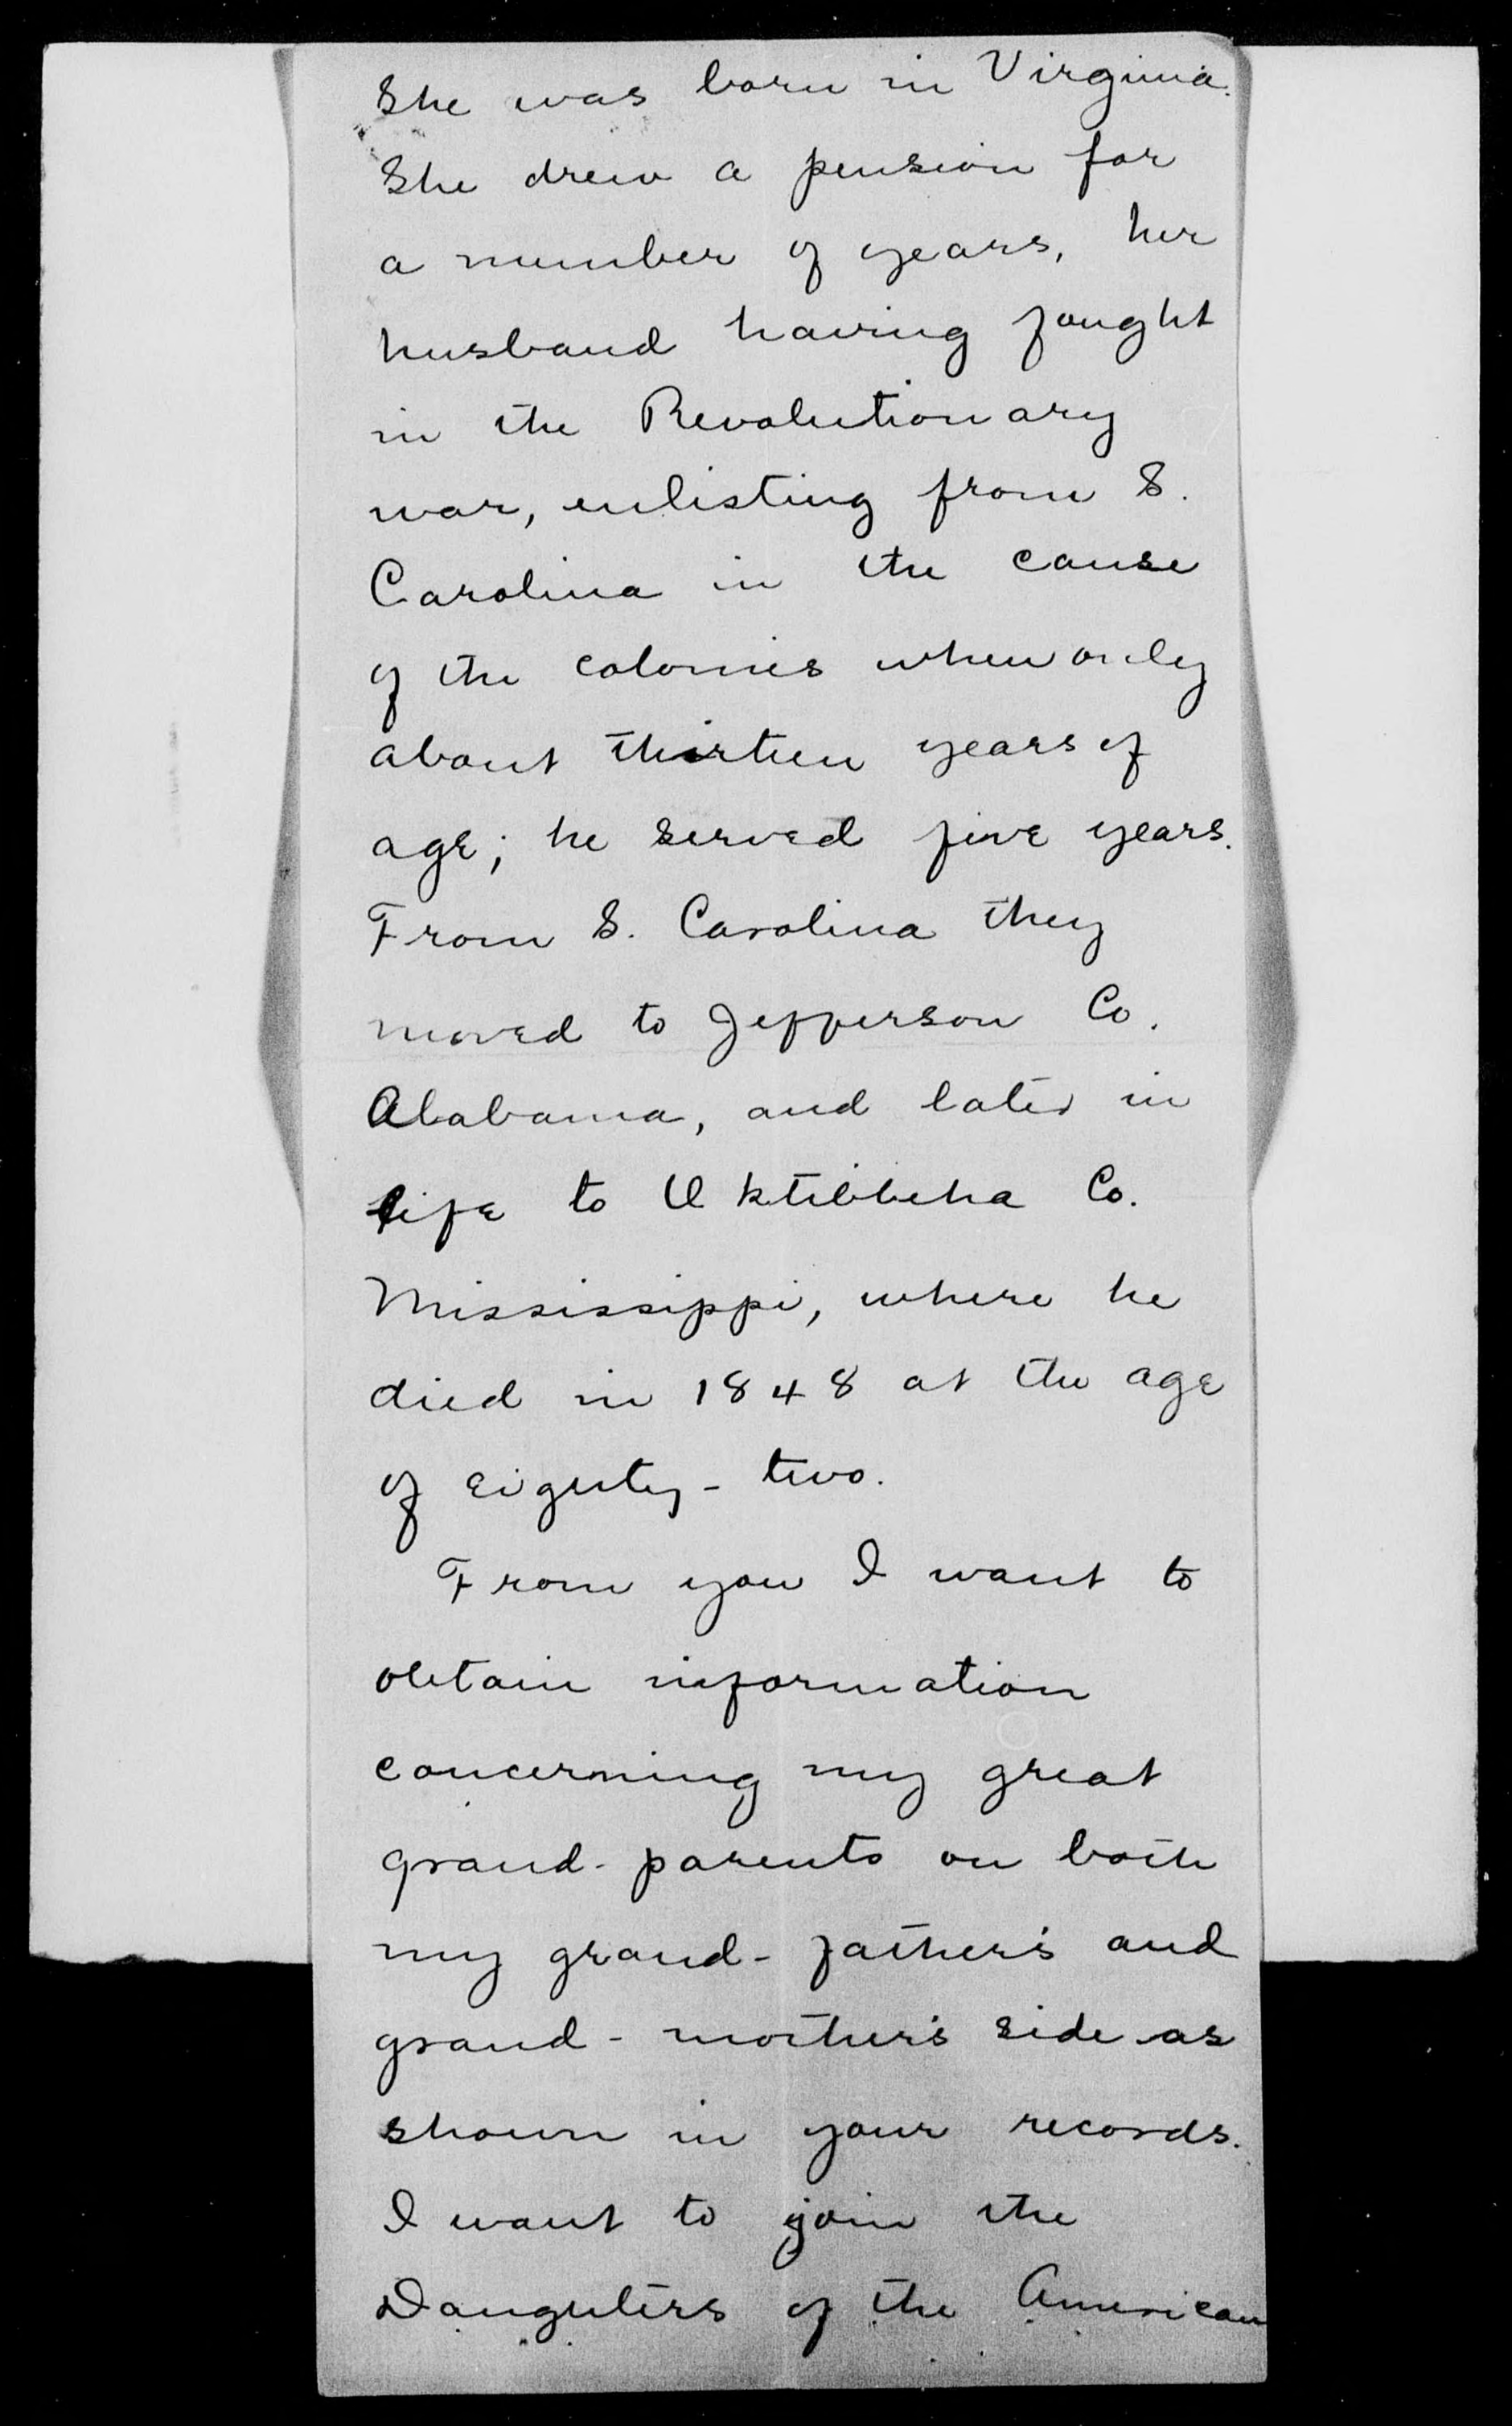she was born in Virginia. She drew a pension for a number of years, her husband having fought in 
the Revolutionary war, enlisting from S. Carolina in the cause of the Colonies when only about thirteen years of age; he served five years.
From S. Carolina they moved to Jefferson Co Alabama, and late in
life to Okitibbeha Co. Mississippi, where he died in 1848 at the age
of Eighty two.
From you I want to obtain information
concerning my great grandparents on both my grand-fathers and
grand-mothers side as shown in
your records. I want to join the
Daughters of the American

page: 47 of 85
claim: widow's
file: W. 5,906, John Brown, S.C.